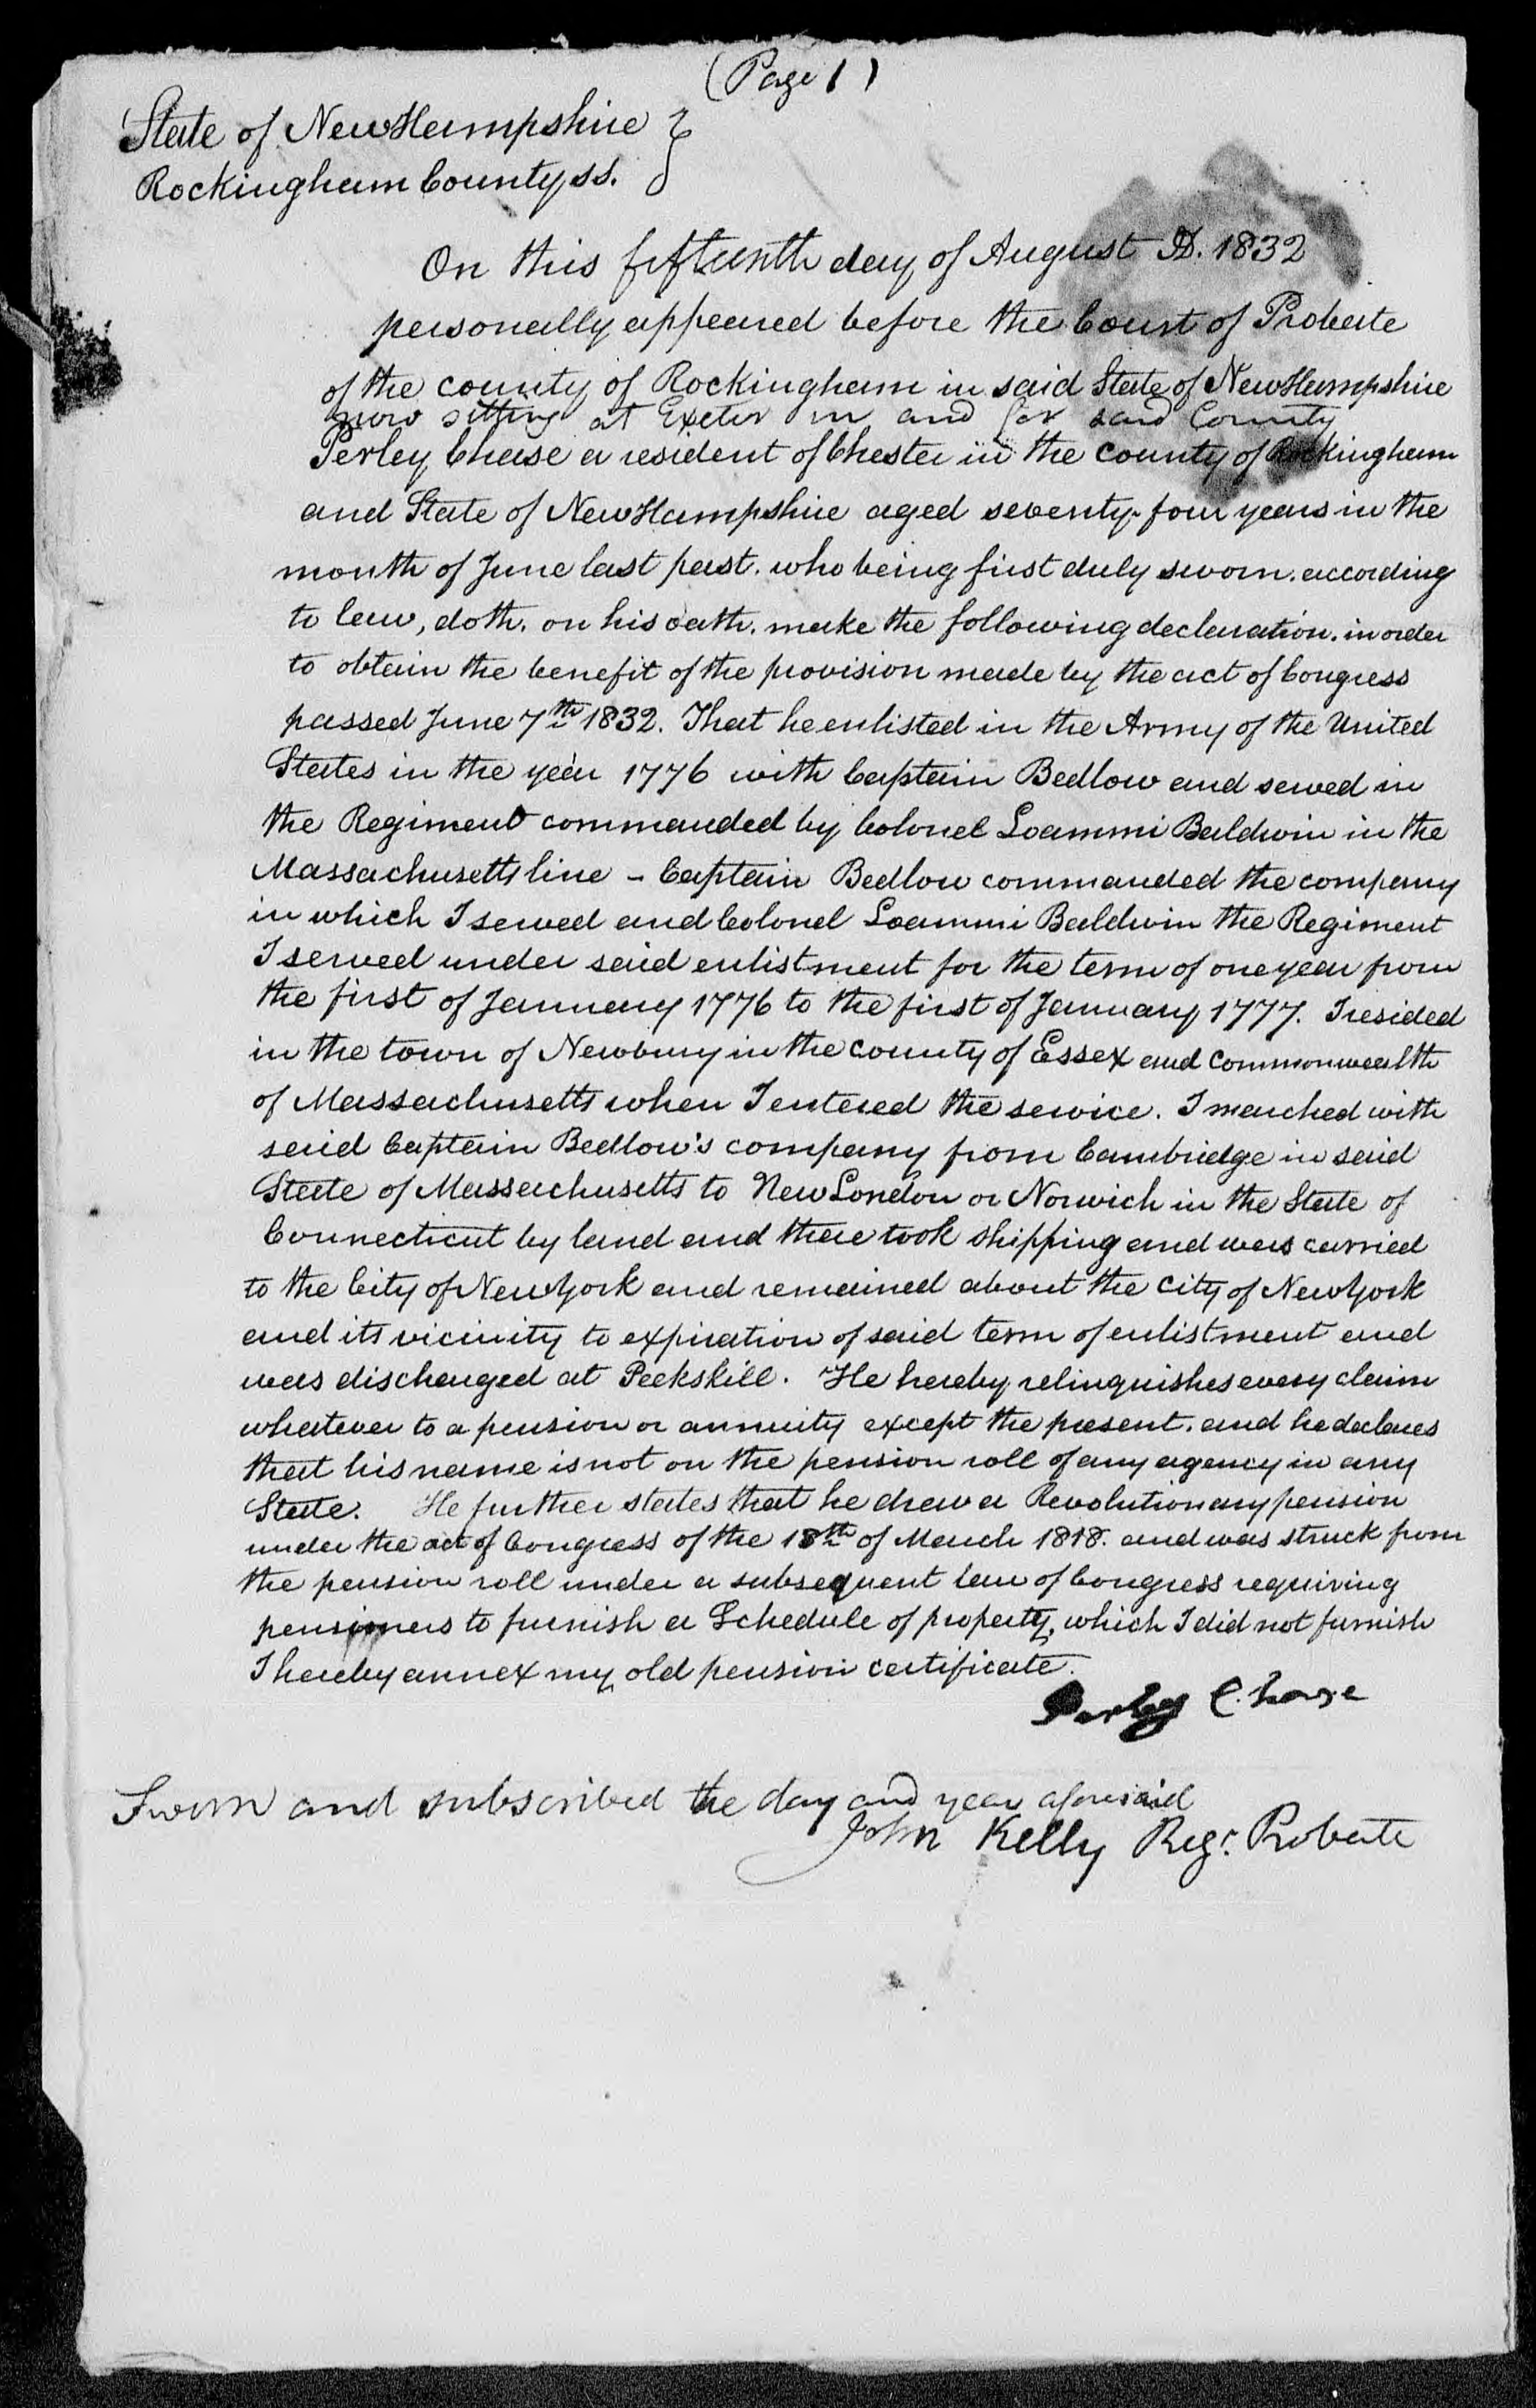(Page 1)
State of New Hampshire}
Rockingham County SS

On this fifteenth day of August AD. 1832
personally appeared before the Court of Probate
of the county of Rockingham in said State of New Hampshire
now sitting at Exeter in and for said County
Perley Chase a resident of Chester in the County of Rockingham and State of New Hampshire aged seventy four years in the month of June last past, who being first duly sworn according to law, doth, on his oath, make the following declaration in order to obtain the benefit of the provision made by the act of Congress passed June 7th1832.  That he enlisted in the Army of the United States in the year 1776 with Captain Bedlow and served in the Regiment commanded by Colonel Loammi Baldwin in the Massachusetts line - Captain Bedlow commanded the company in which I served and Colonel Loammi Baldwin the Regiment. I served under said enlistment for the term of one year from the first of January 1776 to the first of January 1777.  I resided in the town of Newbury in the county of Essex and Commonwealth of Massachusetts when I entered the service.  I marched with said Captain Bedlow's company from Cambridge in said State of Massachusetts to New London or Norwich in the State of Connecticut by land and there took shipping and was carried to the city of New York and remained about the city of New York and its vicinity to expiration of said term of enlistment and was discharged at Peekskill.  He hereby relinquishes every claim whatever to a pension or annuity except the present and he declares that his name is not on the pension roll of any agency in any State.  He further states that he drew a Revolutionary pension under the act of Congress of the 18th of March 1848, and was struck from the pension roll under a subsequent law of Congress requiring pensioners to furnish a Schedule of property, which I did not furnish Thereby annex my old pension certificate.
Perley Chase
Sworn and subscribe the day and year aforesaid
John Kelly Regr. Probate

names: Perley Chase, John Kelly, Bedlow, Loammi Baldwin, Bedlow, Perley Chase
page: 4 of 24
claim: survivor's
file: S. 17879, Perley Chase, Continental Mass.